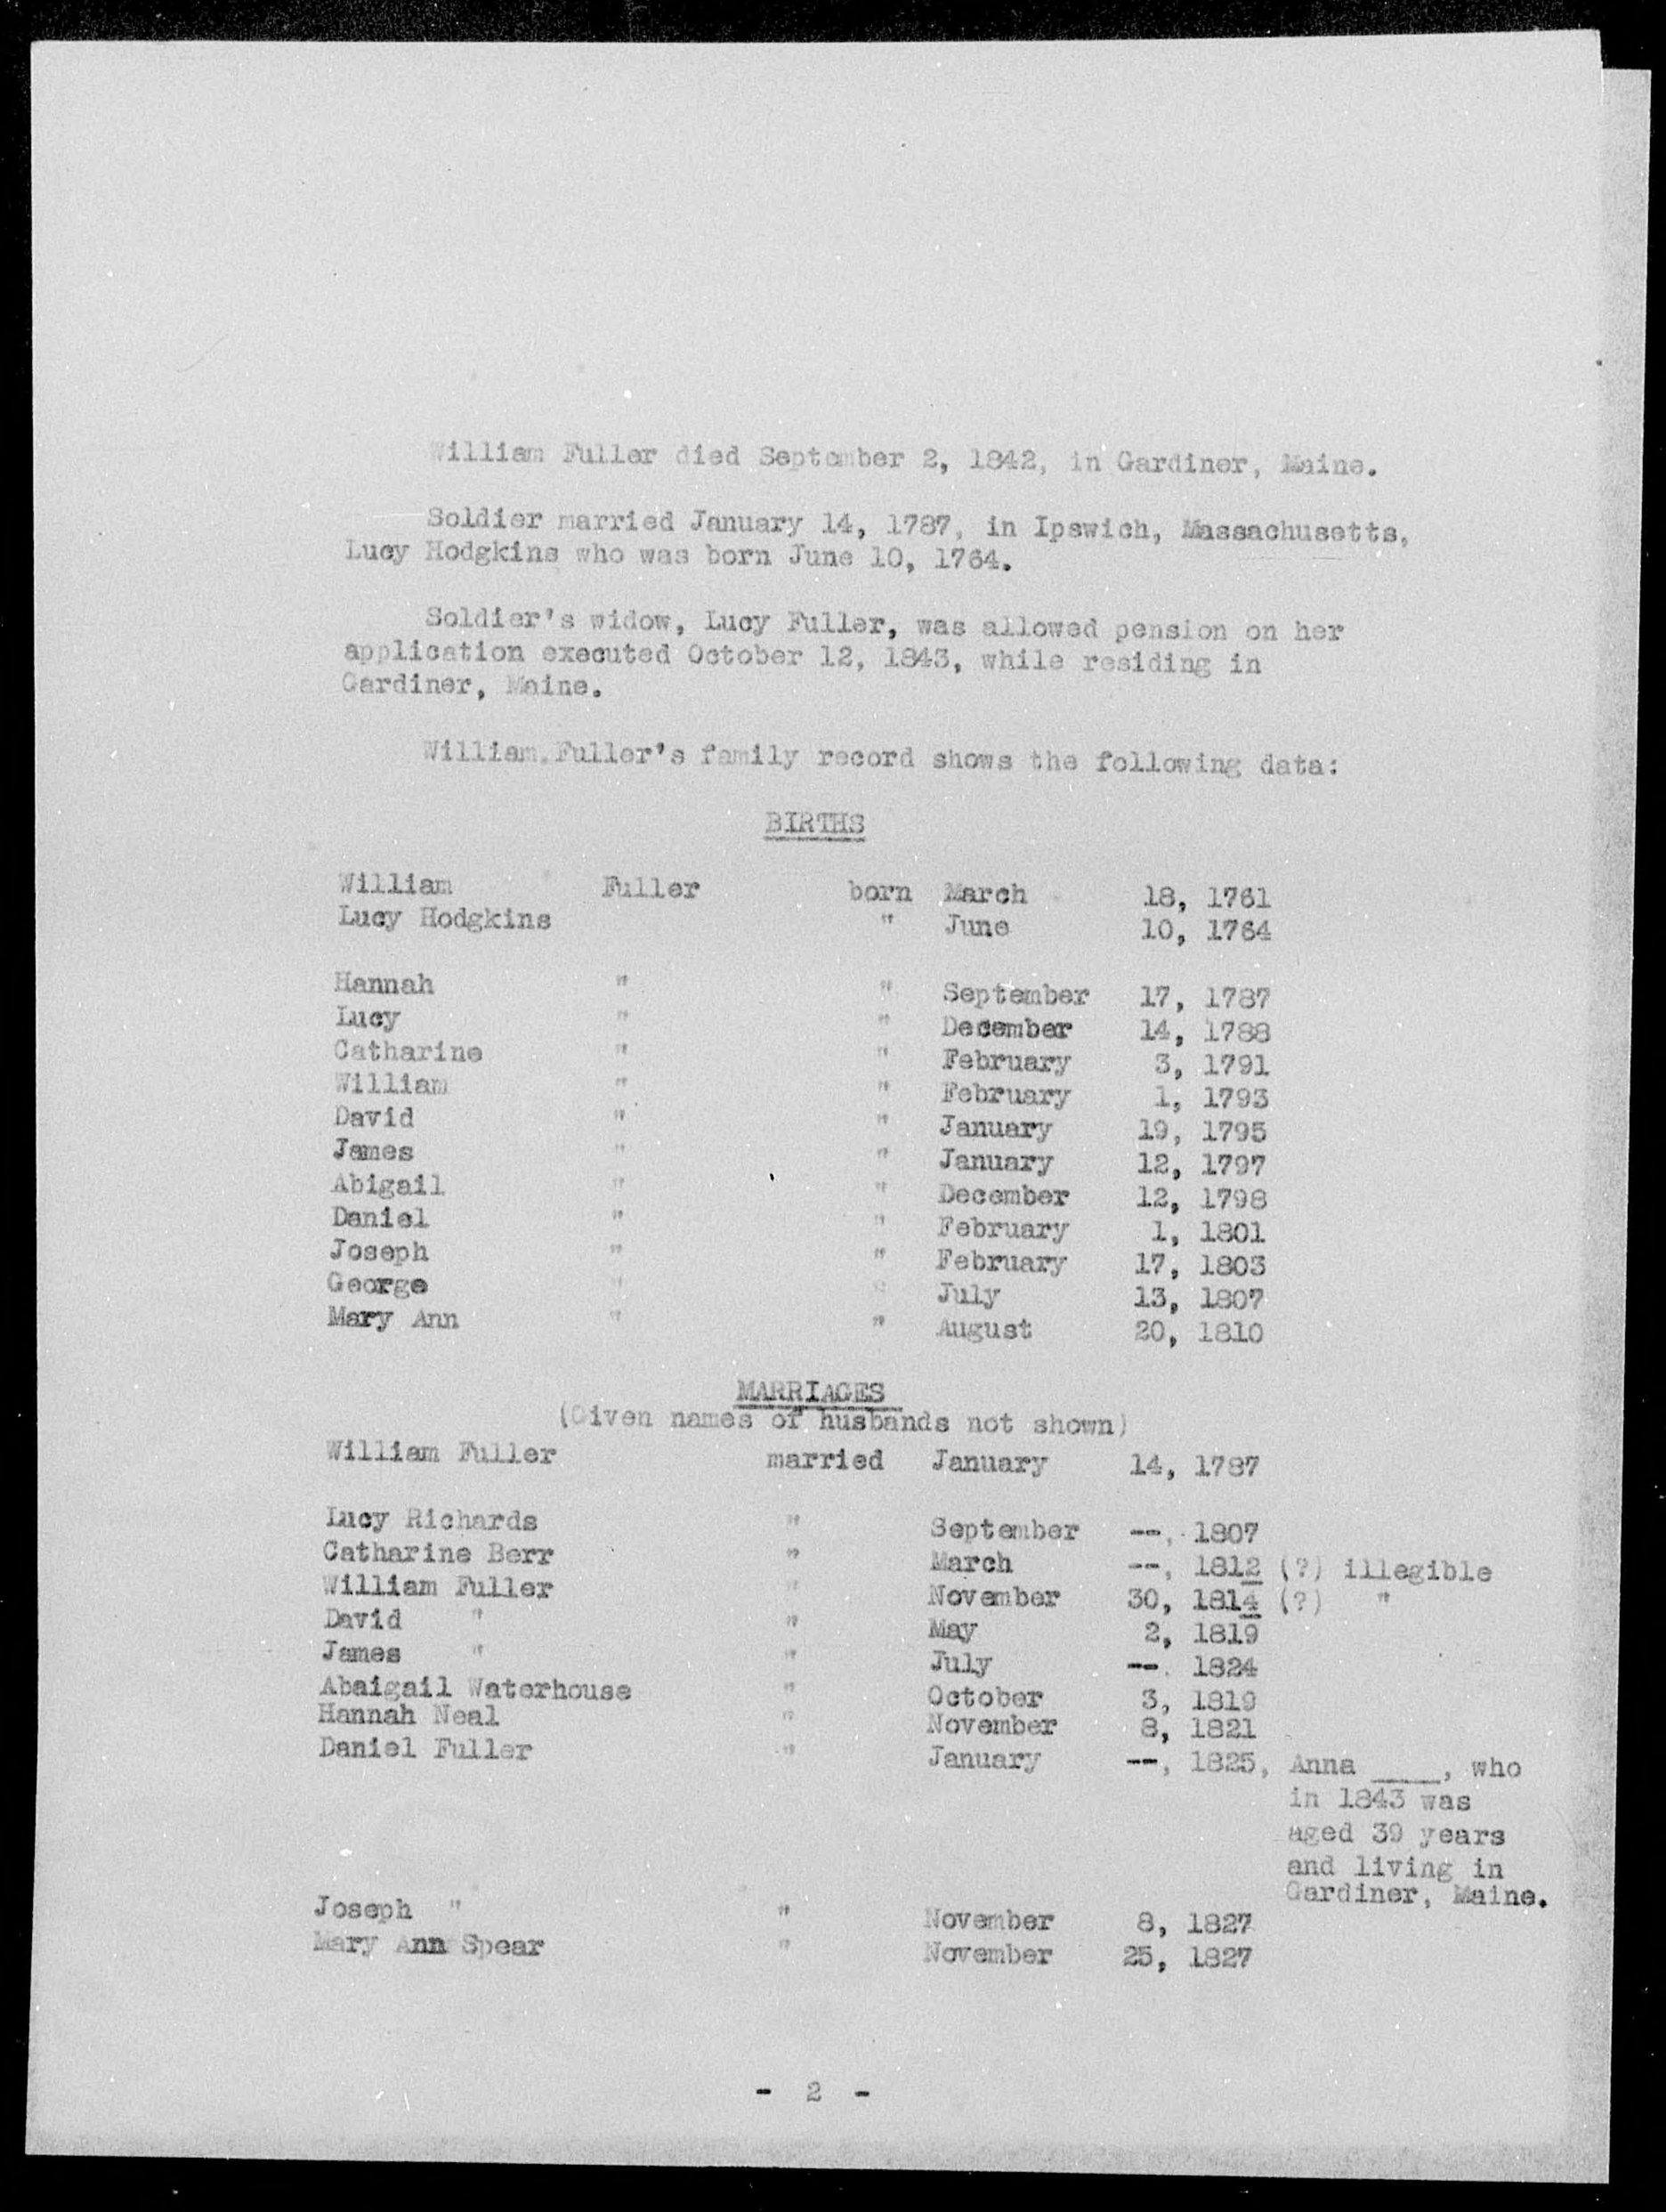William Fuller died September 2, 1842, in Gardiner, Maine.
Soldier married January 14, 1787, in Ipswich, Massachusetts, Lucy Hodgkins, who was born June 10, 1764.
Soldier’s widow, Lucy Fuller, was allowed pension on her application executed October 12, 1843, while residing in Gardiner, Maine.
William Fuller’s family record shows the following data:

BIRTHS
William Fuller born March 18, 1761
Lucy Hodgkins  "  June 10, 1764
Hannah  "   "    September 17, 1787
Lucy  "   "    December 14, 1788
Catherine  "   "   February 3, 1791
William   "   "    February 1, 1793
David   "   "   January 19, 1795
James   "   "   January 12, 1797
Abigail   "   "   December 12, 1798
Daniel   "   "    February 1, 1801
Joseph   "    "   February 17, 1803
George   "   "   July 13, 1807
Mary Ann   "   "   August 20, 1810

MARRIAGES
(Given names of husbands not shown)
William Fuller  married January 14th 1787
Lucy Richards   "   September --, 1807
Catherine Berr   "   March --, 181[underlined]2 (?)  illegible
William Fuller   "   November 30, 181[underlined]4 (?)   "
David Fuller   "   May 2, 1819
James Fuller   "   July --, 1824
Abigail Waterhouse   "   October 3, 1819
Hannah Neal   "   November 8, 1821
Daniel Fuller   "   January --, 1825,  Anna ___, who in 1843 was aged 39 years and living in Gardiner, Maine.
Joseph Fuller   "   November 8, 1827
Mary Ann Spear   "   November 25, 1827

-  2  -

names: Lucy Fuller, Daniel Fuller, Hannah Neal, Lucy Hodgkins, James Fuller, Lucy Fuller, Daniel Fuller, William Fuller, Mary Ann Fuller, James Fuller, George Fuller, Abaigail Waterhouse, Lucy Hodgkins, William Fuller, Mary Ann Spear, William Fuller, David Fuller, William Fuller, Abigail Fuller, Anna, Joseph Fuller, Catharine Berr, Joseph Fuller, David Fuller, William Fuller, Lucy Richards, William Fuller, Hannah Fuller, Catharine Fuller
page: 41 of 45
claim: widow's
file: W. 17933, William Fuller, Mass